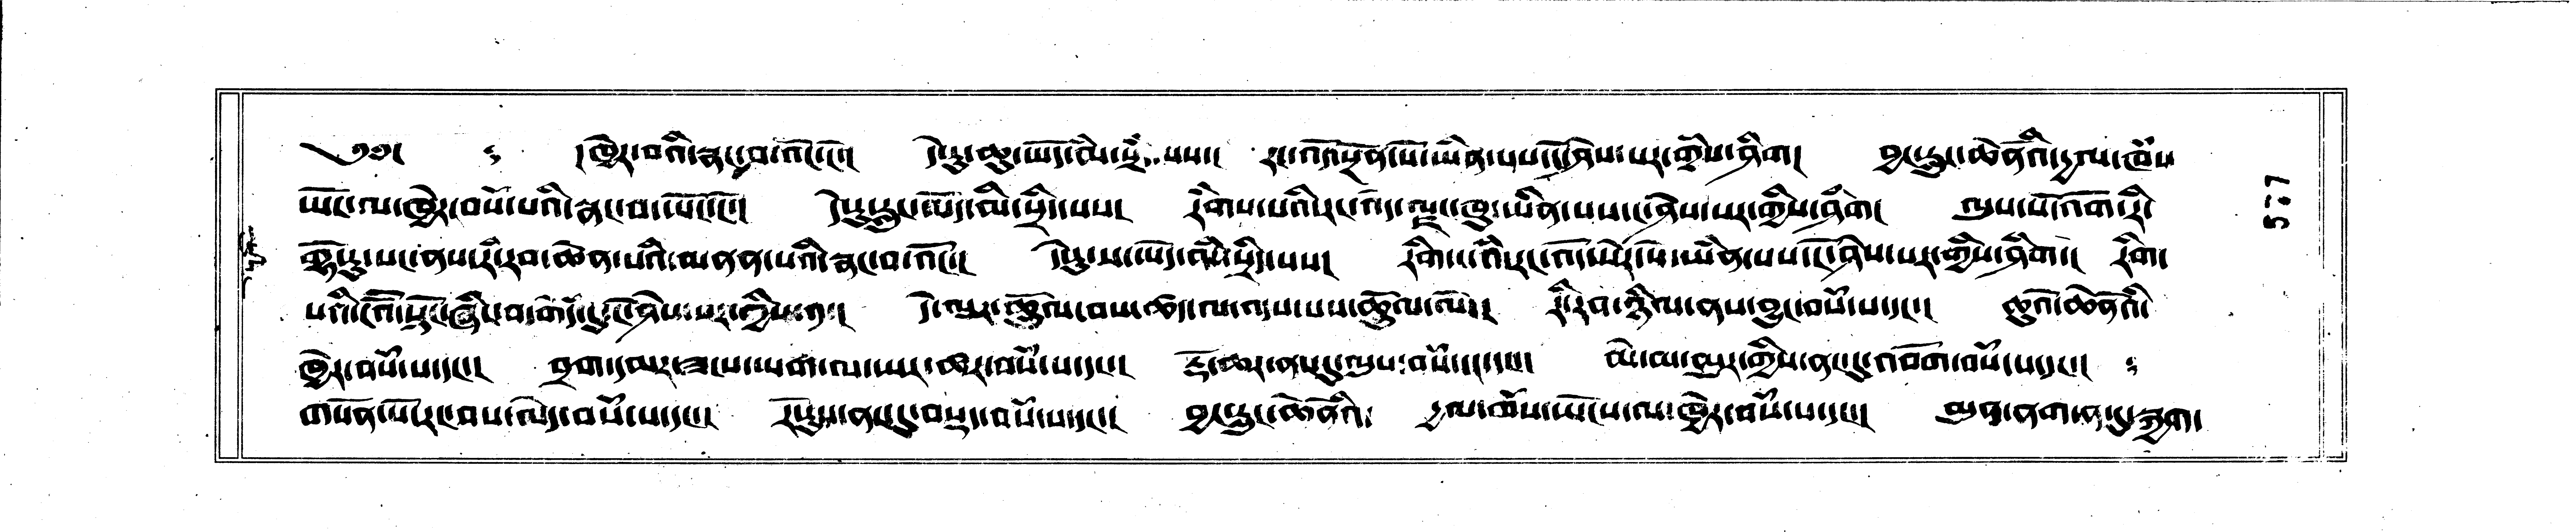ཁྱེར་བའི་སྣང་བ་འོང་ངོ་། དེ་རུ་ཆུ་ཡོད་མི་སྲིད་པས། རང་འོད་སྔོན་པོ་ཡིན་པས་ངོ་ཤེས་པར་གྱིས་ཤིག བྱང་རླུང་ཆེན་པོའི་རྒྱལ་ཁམས་
ཡོངས་ལ་ཁྱེར་བསམ་པའི་སྣང་བ་ཡོང་ངོ་། དེ་རུ་རླུང་ཡོད་མི་སྲིད་པས། རིག་པའི་རང་འོད་ལྗང་ཀུ་ཡིན་པས། ངོ་ཤེས་པར་གྱིས་ཤིག ལུས་ས་འོག་རི་
འོག་ཏུ་སོང་ནས་རི་རབ་ཆེན་པོ་མནན་པའི་སྣང་བ་འོང་། དེ་རུ་ས་ཡོད་མི་སྲིད་པས། རིག་པའི་རང་འོད་སེར་པོ་ཡིན་པས་ངོ་ཤེས་པར་གྱིས་ཤིག རིག་
པའི་ངོའོ་དེ་སྟོང་ཞིང་བདག་མེད་དུ་ངོ་ཤེས་པར་གྱིས་ཤིག དེ་ལྟར་ཆོ་འཕྲུལ་བས་ཚད་ལ་འདས་པས་ཆོ་འཕྲུལ་ལོ། རི་རབ་ཉིལ་ནས་བྱུང་བསམ་པ་དང་། ཆུ་བོ་ཆེན་པོའི་
ཁྱེར་བསམ་པ་དང་། བྲག་དམར་ཟངས་ཡག་ལ་ཡར་ཚར་བསམ་པ་དང་། རྡོ་ཚར་‘‘ཆར”ནང་དུ་ལུས་བསམ་པ་དང་། མེ་མ་མུར་གྱིས་ནང་དུ་འབོག་བསམ་པ་དང་། 
གསོན་པོ་རང་བས་མེད་བསམ་པ་དང་། རོ་རུས་༼རུལ༽ནང་དུ་སྡད་བསམ་པ་དང་། བྱང་རླུང་ཆེན་པོའི་རྒྱལ་ཁམས་ཡོངས་ལ་ཁྱེར་བསམ་པ་དང་། མུན་ནག་ནང་དུ་སྐྱགས་འདམ་